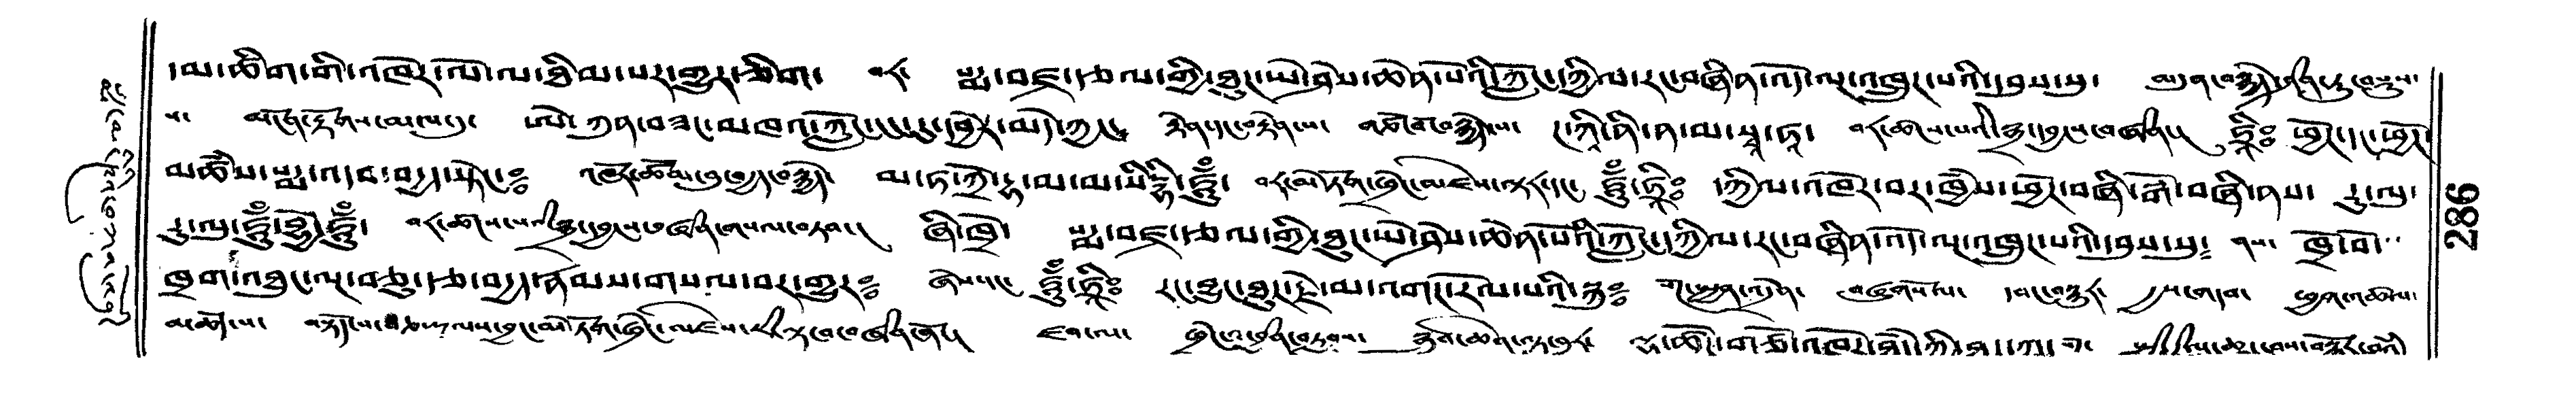དམ་ཚིག་གི་འཁོར་ལོ་ལ་ཐིམ་པར་གྱུར་ཅིག བར། པདྨ་བཛྲ་རྩལ་གྱི་ཐུགས་ཡེ་ཤེས་ཆེན་པོའི་ཀློང་དཀྱིལ་རང་བཞིན་འོད་ལྔ་འཁྲུགས་པའི་དབུས་སུ། མདུན་བསྐྱེད་ཤིན་ཏུ་བསྡུས་
པ། མངོན་རྟོགས་མལ་དུ། ཨེཿཀུན་བཟང་མཁའ་ཀློང་ངང་དུ་དབྱེར་མེད་ཀྱང༔ རྟེན་དང་བརྟེན་པ༴ གཙོ་བོ་བསྐྱེད་པ། ཌཱ་ཀི་ནི་ན་མ་སྭ་ཧཱ༔ བར་ཚངས་པའི་སྒྲ་དབྱངས་བཞིན། ཧྲཱིཿ ཕྱོགས་དང་ཕྱོགས་
མཚམས་པདྨ་འདབ་བརྒྱད་སྟེང༔ འཁོར་ཚོམ་བུ་བརྒྱད་བསྐྱེད། མ་ཧ་ཀྲོ་དྷ་མ་མ་སིདྡྷི་ཧཱུྃ༔ བར་མེ་ཏོག་ཕྲེང་མཛེས་ལྟར་དང་། ཧཱུྃ་ཧྲཱི༔ དཀྱིལ་འཁོར་བར་ཁྱམས་ཕྱོགས་བཞི་སྒོ་བཞི་ནས༔ རུ་ལུ་
རུ་ལུ་ཧཱུྃ་བྷྱོ་ཧཱུྃ༔ བར་ཚངས་པའི་སྒྲ་དབྱངས་བཞིན་གསལ་གདབ། ཞི་ཁྲོ། པདྨ་བཛྲ་རྩལ་གྱི་ཐུགས་ཡེ་ཤེས་ཆེན་པོའི་ཀློང་དཀྱིལ་རང་བཞིན་འོད་ལྔ་འཁྲུགས་པའི་དབུས་སུ༴ ནས། ཁྲོ་བོ་
ཁྲག་འཐུང་ལྔ་བཅུ་རྩ་བརྒྱད་རྣམས་གསལ་བར་གྱུར༔ ཞེས་དང་། ཧཱུྃ་ཧྲཱིཿ རང་བྱུང་ཐུགས་རྗེ་མ་འགགས་རོལ་པའི་སྐུ༔ སོགས་སྤྱན་འདྲེན། བཞུགས་གསོལ། དབང་བསྐུར། རྒྱས་གདབ། ཕྱག་འཚལ། 
མཆོད་པ། བསྟོད་པ་ཅས་ལས་བྱང་མེ་ཏོག་ཞིང་མཛེས་པའི་ལྟ་བ་བཞིན་ནོ། ཛཔྲ་ལ། ཕྲེང་བ་བྱིན་བརླབས། སྒྲུབ་ཆེན་ལྟ་བུར། ལྷ་ཚོགས་གཙོ་འཁོར་ཐམས་ཅད་ཀྱི་ཐུགས་ཀ༴ སོགས། སྤྱི་དྲིལ་ཆུང་བས་བསྐོར་བའམ།